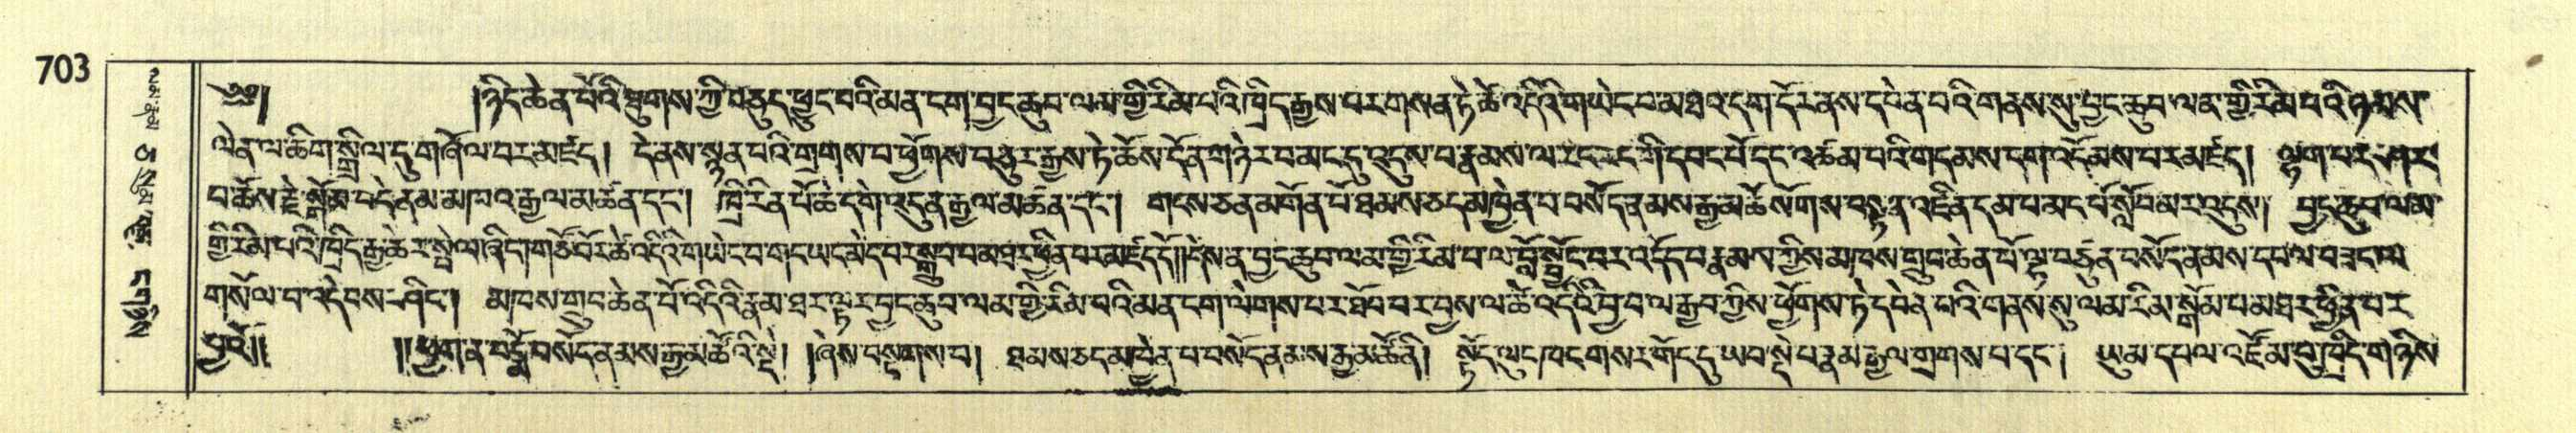༄༅། །ཉིད་ཆེན་པོའི་ཐུགས་ཀྱི་བཅུད་ཕྱུང་བའི་མན་ངག་བྱང་ཆུབ་ལམ་གྱི་རིམ་པའི་ཁྲིད་རྒྱས་པར་གསན་ཏེ་ཚེ་འདིའི་གཡེང་བ་མཐའ་དག་དོར་ནས་དབེན་བའི་གནས་སུ་བྱང་ཆུབ་ལམ་གྱི་རིམ་པའི་ཉམས་
ལེན་ལ་ཚིག་སྒྲིལ་དུ་གཞོལ་བར་མཛད། དེ་ནས་སྙན་པའི་གྲགས་པ་ཕྱོགས་བཅུར་རྒྱས་ཏེ་ཆོས་དོན་གཉེར་བ་མང་དུ་འདུས་པ་རྣམས་ལ་རང་རང་གི་དབང་པོ་དང་འཚམ་པའི་གདམས་ངག་འདོམས་པར་མཛད། ལྷག་པར་ཤར་
བ་ཆོས་རྗེ་སྒོམ་བདེ་ནམ་མཁའ་རྒྱལ་མཚན་དང་། ཁྲི་རིན་པོ་ཆེ་དགེ་འདུན་རྒྱལ་མཚན་དང་། གངས་ཅན་མགོན་པོ་ཐམས་ཅད་མཁྱེན་པ་བསོད་ནམས་རྒྱ་མཚོ་སོགས་བསྟན་འཛིན་དམ་པ་མང་པོ་སློབ་མར་འདུས། བྱང་ཆུབ་ལམ་
གྱི་རིམ་པའི་ཁྲིད་རྒྱ་ཆེར་སྤེལ་ཞིང་།གཙོ་བོར་ཚེ་འདིའི་གཡེང་བ་གང་ཡང་མེད་པར་སྒྲུབ་པ་མཐར་ཕྱིན་པར་མཛད་དོ། །དེས་ན་བྱང་ཆུབ་ལམ་གྱི་རིམ་པ་ལ་བློ་སྦྱོང་བར་འདོད་པ་རྣམས་ཀྱིས་མཁས་གྲུབ་ཆེན་པོ་ལྷ་བཙུན་བསོད་ནམས་དཔལ་བཟང་ལ་
གསོལ་བ་འདེབས་ཤིང་། མཁས་གྲུབ་ཆེན་པོ་འདིའི་རྣམ་ཐར་ལྟར་བྱང་ཆུབ་ལམ་གྱི་རིམ་པའི་མན་ངག་ལེགས་པར་ཐོབ་བར་བྱས་ལ་ཚེ་འདིའི་བྱ་བ་ལ་རྒྱབ་ཀྱིས་ཕྱོགས་ཏེ་དབེན་པའི་གནས་སུ་ལམ་རིམ་སྒོམ་པ་མཐར་ཕྱིན་པར་
བྱའོ།། །།ཕྱག་ན་པདམོ་བསོད་ནམས་རྒྱ་མཚོའི་སྡེ། །ཞེས་བསྔགས་བ། ཐམས་ཅད་མཁྱེན་པ་བསོད་ནམས་རྒྱ་མཚོ་ནི། སྟོད་ལུང་ཁང་གསར་གོང་དུ་ཡབ་སྡེ་པ་རྣམ་རྒྱལ་གྲགས་པ་དང་། ཡུམ་དཔལ་འཛོམ་བུ་ཁྲིད་གཉིས་